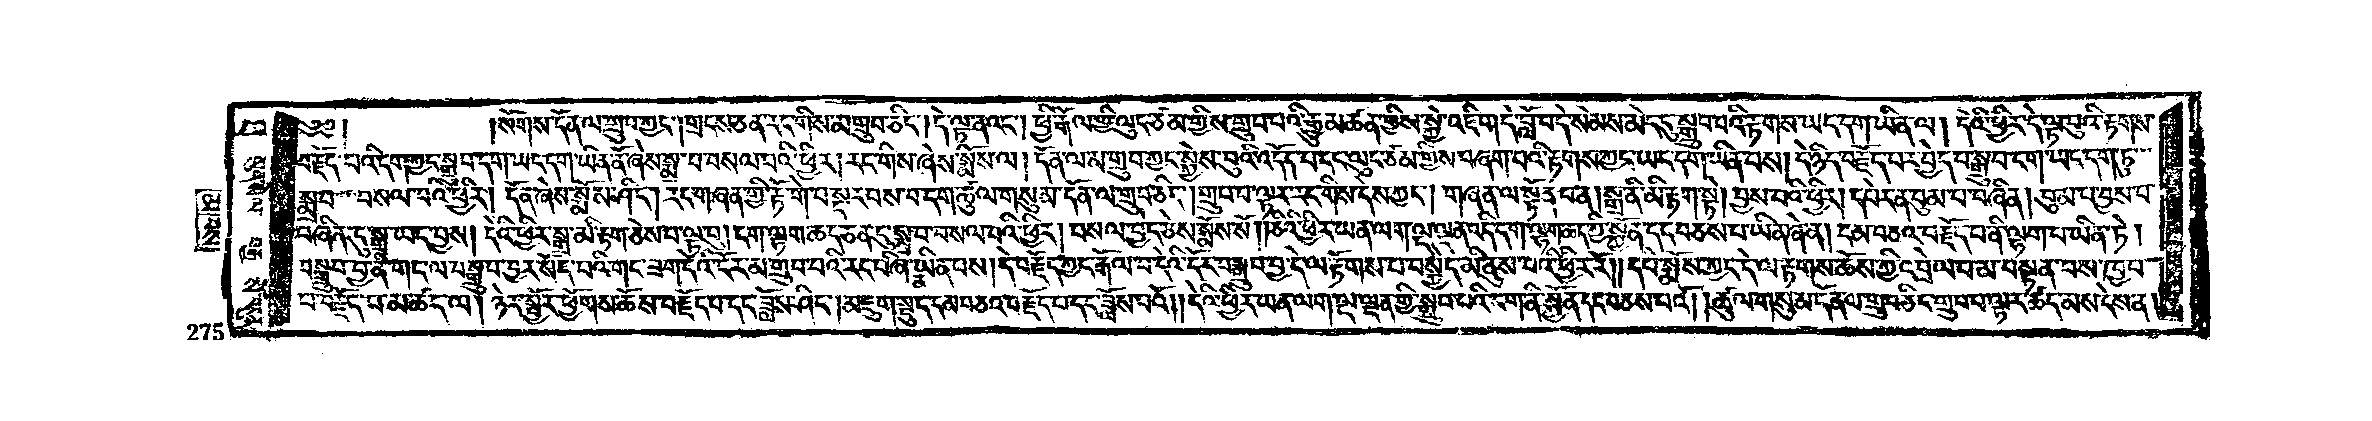༄༅། །སོགས་དོན་ལ་གྲུབ་ཀྱང་། གྲངས་ཅན་རང་གིས་མ་གྲུབ་ཅིང་། དེ་ལྟ་ནའང་། ཕྱི་རྒོལ་གྱི་ལུང་ཙམ་གྱིས་གྲུབ་པའི་རྒྱུ་མཚན་གྱིས་སྐྱེ་འཇིག་དེ་བློ་བདེ་སེམས་མེད་དུ་སྒྲུབ་པའི་རྟགས་ཡང་དག་ཡིན་ལ། དེའི་ཕྱིར་དེ་ལྟ་བུའི་རྟགས་
བརྗོད་པའི་དག་ཀྱང་སྒྲུབ་དག་ཡང་དག་ཡིན་ནོ་ཞེས་སྨྲ་བ་བསལ་བའི་ཕྱིར། རང་གིས་ཞེས་སྨོས་ལ། དོན་ལ་མ་གྲུབ་ཀྱང་སྐྱེས་བུའི་འདོད་པ་དང་ལུང་ཙམ་གྱིས་བཞག་པའི་རྟགས་ཀྱང་ཡང་དག་ཡིན་པས། དེ་ཉིད་བརྗོད་པར་བྱེད་པ་སྒྲུབ་དག་ཡང་དག་ཏུ་
སྨྲ་བ་བསལ་བའི་ཕྱིར། དོན་ཞེས་སྨོས་ཤིང་། རང་གཞན་གྱི་རྟོ་གེ་པ་སྔར་བས་བ་དག་ཚུལ་གསུམ་དོན་ལ་གྲུབ་ཅིང་། གྲུབ་པ་ལྟར་རང་གིས་དེས་ཀྱང་། གཞན་ལ་སྟོན་པ་ན། སྒྲ་ནི་མི་རྟག་སྟེ། བྱས་པའི་ཕྱིར། དཔེར་ན་བུམ་པ་བཞིན། བུམ་པ་བྱས་པ་
བཞིན་དུ་སྒྲ་ཡང་བྱས། དེའི་ཕྱིར་སྒྲ་མི་རྟག་ཅེས་པ་ལྟ་བུ། ངག་ལྷག་ཆད་ཅན་དུ་སྨྲ་བ་བསལ་བའི་ཕྱིར། བསལ་བྱེད་ཅེས་སྨོས་སོ། །ཅིའི་ཕྱིར་ཡན་ལག་ལྔ་ལྡན་འདི་དག་ལྷག་ཆད་ཀྱི་སྐྱོན་དང་བཅས་པ་ཡིན་ཞེ་ན། དམ་བཅའ་བརྗོད་པ་ནི་ལྷག་པ་ཡིན་ཏེ།
བསྒྲུབ་བྱ་ནི་གང་ལ་བསྒྲུབ་བྱར་སོང་བའི་གང་ཟག་དེའི་ངོར་མ་གྲུབ་པའི་རང་བཞིན་ཡིན་པས། དེ་བརྗོད་ཀྱང་རྒོལ་བ་དེའི་ངོར་བསྒྲུབ་བྱ་དེ་ལ་རྟོགས་པ་བསྐྱེད་མི་ནུས་པའི་ཕྱིར་རོ། །དཔེ་སྨོས་ཀྱང་དེ་ལ་རྟགས་ཆོས་ཀྱི་འབྲེལ་བ་མ་བསྟན་པས་ཁྱབ་
པ་བརྗོད་པ་མ་ཚང་ལ། ཉེར་སྦྱོར་ཕྱོགས་ཆོས་བརྗོད་པ་དང་ཟློས་ཤིང་། མཇུག་སྡུད་དམ་བཅའ་བརྗོད་པ་དང་ཟློས་པའོ། །དེའི་ཕྱིར་ཡན་ལག་ལྔ་ལྡན་གྱི་སྒྲུབ་པའི་ངག་ནི་སྐྱོན་དང་བཅས་པའོ། །ཚུལ་གསུམ་དོན་ལ་གྲུབ་ཅིང་གྲུབ་པ་ལྟར་ཚད་མས་ངེས་ན།